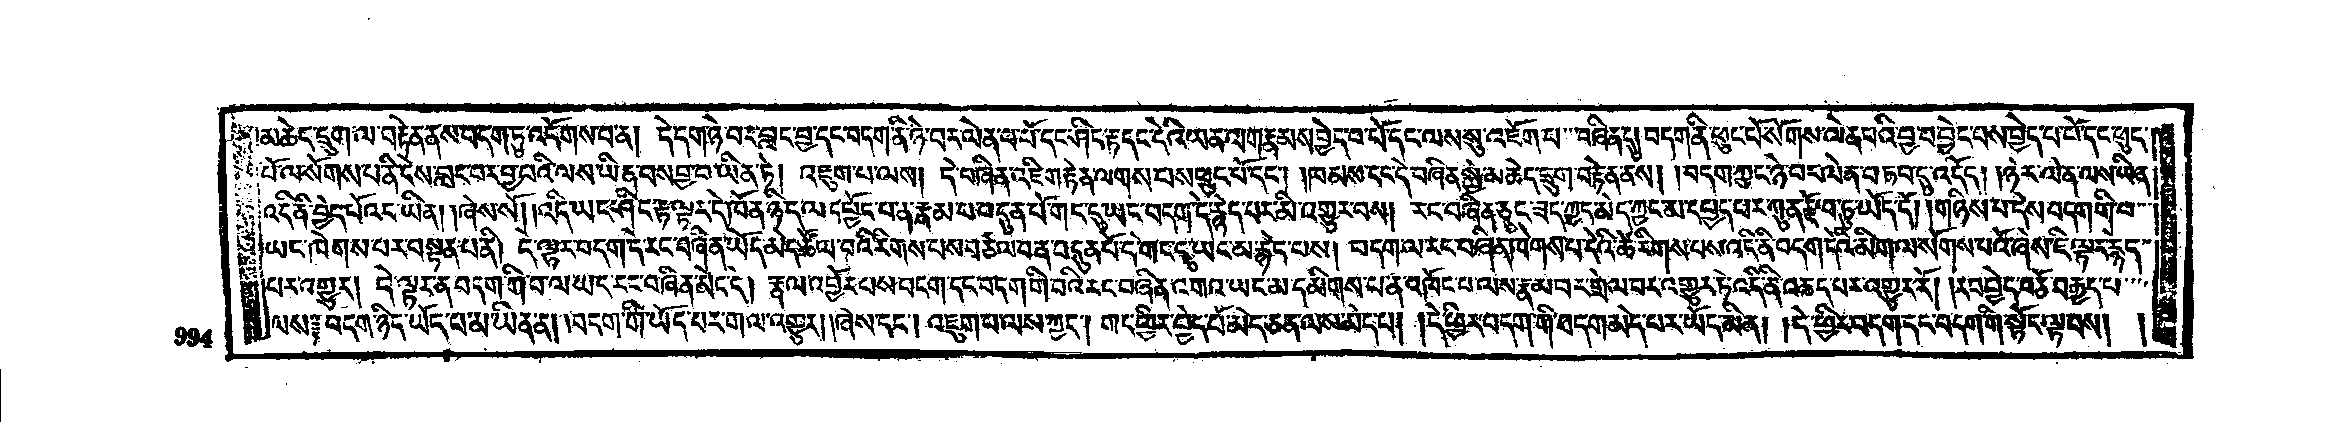མཆེད་དྲུག་ལ་བརྟེན་ནས་བདག་ཏུ་འདོགས་པ་ན། དེ་དག་ཉེ་བར་བླང་བྱ་དང་བདག་ནི་ཉེ་བར་ལེན་པ་པོ་དང་ཤིང་རྟ་དང་དེའི་ཡན་ལག་རྣམས་བྱེད་པ་པོ་དང་ལས་སུ་འཇོག་པ་བཞིན་དུ། །བདག་ནི་ཕུང་པོ་སོགས་ལེན་པའི་བྱ་བ་བྱེད་པས་བྱེད་པ་པོ་དང་ཕུང་
པོ་ལ་སོགས་པ་ནི་དེས་བླང་བར་བྱ་བའི་ལས་ཡིན་པས་བྱ་བ་ཡིན་ཏེ། འཇུག་པ་ལས། དེ་བཞིན་འཇིག་རྟེན་གྲགས་པས་ཕུང་པོ་དང་། །ཁམས་དང་དེ་བཞིན་སྐྱེ་མཆེད་དྲུག་བརྟེན་ནས། །བདག་ཀྱང་ཉེ་བར་ལེན་པོ་ཉིད་དུ་འདོད། །ཉེར་ལེན་ལས་ཡིན་
འདི་ནི་བྱེད་པོའང་ཡིན། །ཞེས་སོ། །འདི་ཡང་ཤིང་རྟ་ལྟར་དེ་ཁོ་ན་ཉིད་ལ་དཔྱོད་པ་ན་རྣམ་པ་བདུན་པོ་གང་དུ་ཡང་བདག་དེ་རྙེད་པར་མི་འགྱུར་བས། རང་བཞིན་ཅུང་ཟད་ཀྱང་མེད་ཀྱང་མ་དཔྱད་པར་ཀུན་རྫོབ་ཏུ་ཡོད་དོ། །གཉིས་པ་དེས་བདག་གི་བ་
ཡང་ཁེགས་པར་བསྟན་པ་ནི། དེ་ལྟར་བདག་དེ་རང་བཞིན་ཡོད་མེད་ཚོལ་བའི་རིགས་པས་བཙལ་བ་ན་བདུན་པོ་དེ་གང་དུ་ཡང་མ་རྙེད་པས། བདག་ལ་རང་བཞིན་ཁེགས་པ་དེའི་ཚེ་རིགས་པས་འདི་ནི་བདག་དེའི་མིག་ལ་སོགས་པའོ་ཞེས་ཇི་ལྟར་རྙེད་
པར་འགྱུར། དེ་ལྟར་ན་བདག་གི་བ་ལ་ཡང་རང་བཞིན་མེད་དེ། རྣལ་འབྱོར་པས་བདག་དང་བདག་གི་བའི་རང་བཞིན་འགའ་ཡང་མ་དམིགས་པ་ན་འཁོར་བ་ལས་རྣམ་པར་གྲོལ་བར་འགྱུར་ཏེ་འདི་ནི་འཆད་པར་འགྱུར་རོ། །རབ་བྱེད་བཅོ་བརྒྱད་པ་
ལས༑ བདག་ཉིད་ཡོད་པ་མ་ཡིན་ན། །བདག་གི་ཡོད་པར་ག་ལ་འགྱུར། །ཞེས་དང་། འཇུག་པ་ལས་ཀྱང་། གང་ཕྱིར་བྱེད་པོ་མེད་ཅན་ལས་མེད་པ། །དེ་ཕྱིར་བདག་གི་བདག་མེད་པར་ཡོད་མིན། །དེ་ཕྱིར་བདག་དང་བདག་གི་སྟོང་ལྟ་བས། །